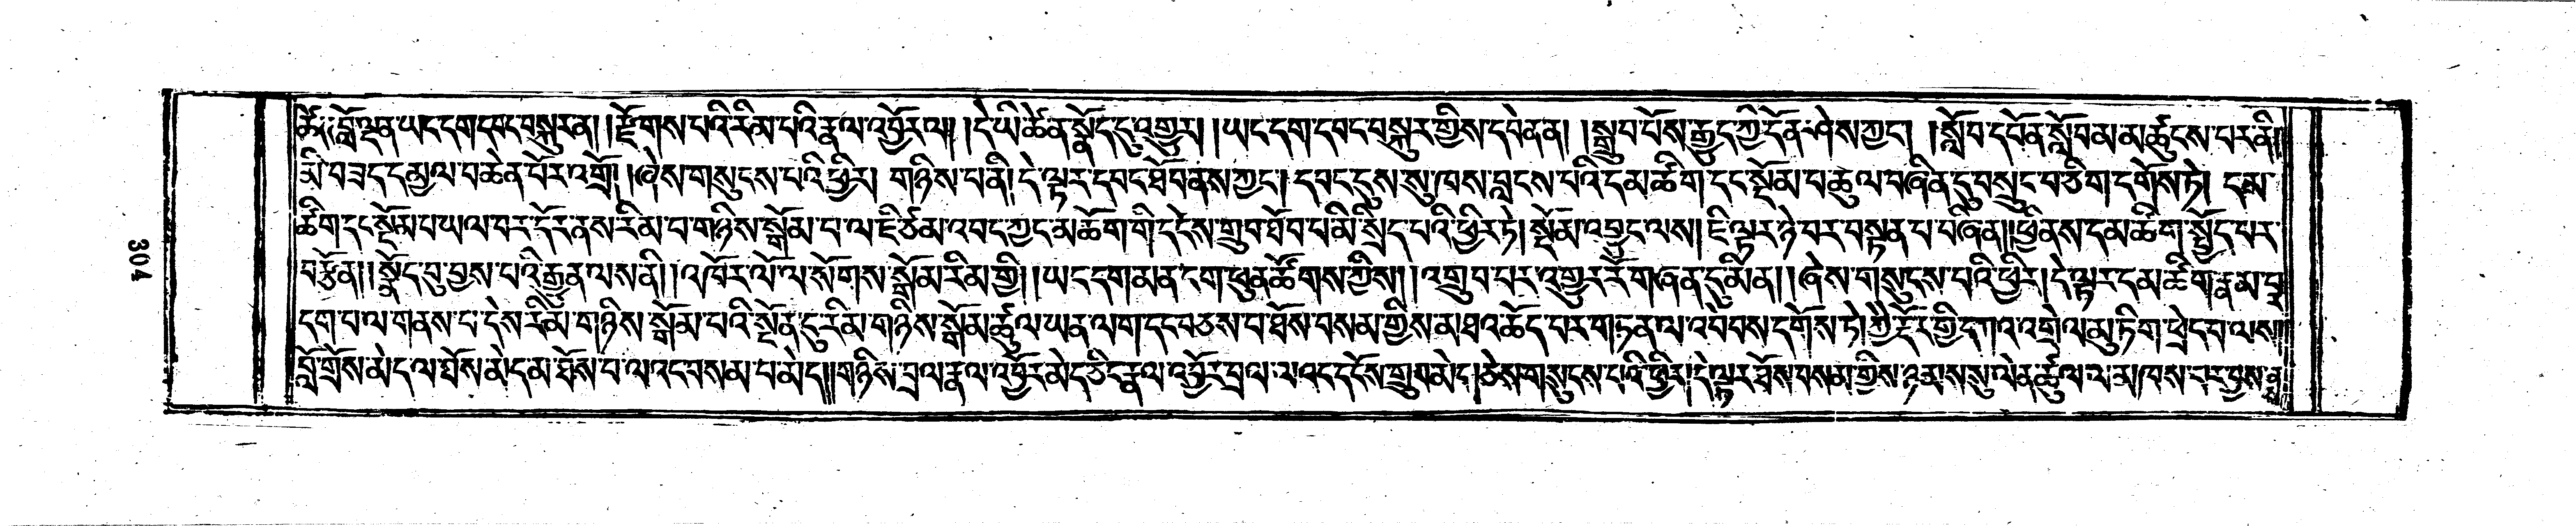ཚེ༑ ༑བློ་ལྡན་ཡང་དག་དབང་བསྐུར་ན། །རྫོགས་པའི་རིམ་པའི་རྣལ་འབྱོར་ལ། །དེ་ཡི་ཚེ་ན་སྣོད་དུ་འགྱུར། །ཡང་དག་དབང་བསྐུར་གྱིས་དབེན་ན། །སྒྲུབ་པོས་རྒྱུད་ཀྱི་དོན་ཤེས་ཀྱང་། །སློབ་དཔོན་སློབ་མ་མཚུངས་པར་ནི།།
མི་བཟད་དམྱལ་བ་ཆེན་པོར་འགྲོ། །ཞེས་གསུངས་པའི་ཕྱིར། གཉིས་པ་ནི། དེ་ལྟར་དབང་ཐོབ་ནས་ཀྱང་། དབང་དུས་སུ་ཁས་བླངས་པའི་དམ་ཚིག་དང་སྡོམ་པ་ཚུལ་བཞིན་དུ་བསྲུང་བ་ཅིག་དགོས་ཏེ། དམ་
ཚིག་དང་སྡོམ་པ་ཡལ་བར་དོར་ནས་རིམ་པ་གཉིས་སྒོམ་པ་ལ་ཇི་ཙམ་འབད་ཀྱང་མཆོག་གི་དངོས་གྲུབ་ཐོབ་པ་མི་སྲིད་པའི་ཕྱིར་ཏེ། སྡོམ་འབྱུང་ལས། ཇི་ལྟར་ཉེ་བར་བསྟན་པ་བཞིན། །ཕྱི་ནས་དམ་ཚིག་སྤྱོད་པར་
བརྩོན། །སྣོད་བུ་བྱས་པའི་རྒྱུན་ལས་ནི། །འཁོར་ལོ་ལ་སོགས་སྒོམ་རིམ་གྱི། །ཡང་དག་མན་ངག་ཕུན་ཚོགས་ཀྱིས། །འགྲུབ་པར་འགྱུར་རོ་གཞན་དུ་མིན། །ཞེས་གསུངས་པའི་ཕྱིར། དེ་ལྟར་དམ་ཚིག་རྣམ་པར་
དག་པ་ལ་གནས་པ་དེས་རིམ་གཉིས་སྒོམ་པའི་སྔོན་དུ་རིམ་གཉིས་སྒོམ་ཚུལ་ཡན་ལག་དང་བཅས་པ་ཐོས་བསམ་གྱིས་མཐའ་ཆོད་བར་གཏན་ལ་འབེབས་དགོས་ཏེ། ཀྱཻ་རྡོར་གྱི་དཀའ་འགྲེལ་མུ་ཏིག་ཕྲེང་བ་ལས།།
བློ་གྲོས་མེད་ལ་ཐོས་མེད་མ་ཐོས་པ་ལའང་བསམ་པ་མེད། །གཉིས་བྲལ་རྣལ་འབྱོར་མེད་ཅིང་རྣལ་འབྱོར་བྲལ་ལའང་དངོས་གྲུབ་མེད། ཅེས་གསུངས་པའི་ཕྱིར། དེ་ལྟར་ཐོས་བསམ་གྱིས་ཉམས་སུ་ལེན་ཚུལ་ལ་མཁས་པར་བྱས་ནས་